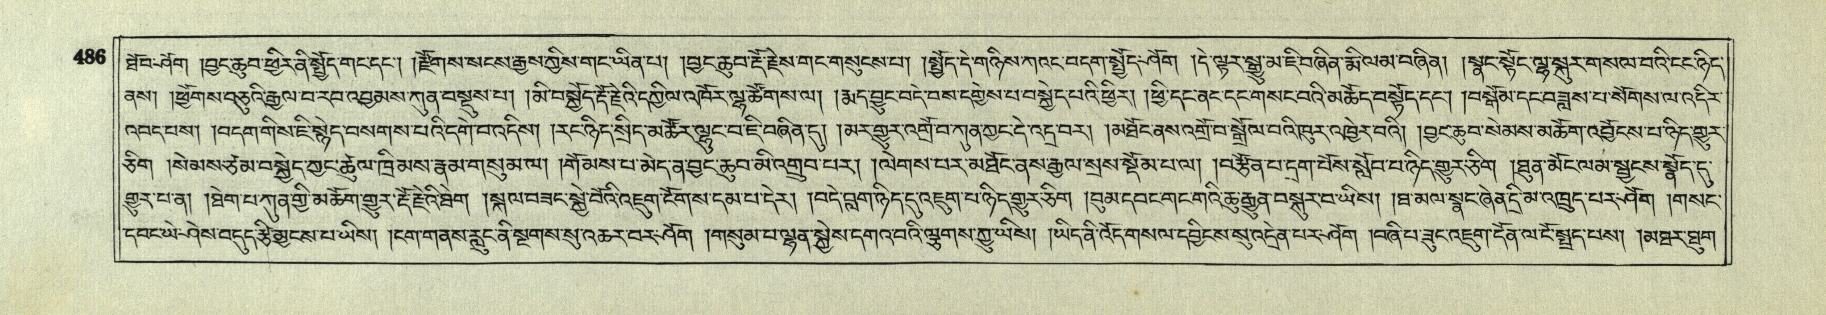ཐོབ་ཤོག །བྱང་ཆུབ་ཕྱིར་ནི་སྤྱོད་གང་དང་། །རྫོགས་སངས་རྒྱས་ཀྱིས་གང་ཡིན་པ། །བྱང་ཆུབ་རྡོ་རྗེས་གང་གསུངས་པ། །སྤྱོད་དེ་གཉིས་ཀའང་བདག་སྤྱོད་ཤོག །དེ་ལྟར་སྒྱུ་མ་ཇི་བཞིན་རྨི་ལམ་བཞིན། །སྣང་སྟོང་ལྷ་སྐུར་གསལ་བའི་ངང་ཉིད་
ནས། །ཕྱོགས་བཅུའི་རྒྱལ་བ་རབ་འབྱམས་ཀུན་བསྡུས་པ། །མི་བསྐྱོད་རྡོ་རྗེའི་དཀྱིལ་འཁོར་ལྷ་ཚོགས་ལ། །རྨད་བྱུང་བདེ་བས་དགྱེས་པ་བསྐྱེད་པའི་ཕྱིར། །ཕྱི་དང་ནང་དང་གསང་བའི་མཆོད་བསྟོད་དང་། །བསྒོམ་དང་བཟླས་པ་སོགས་ལ་འདིར་
འབད་པས། །བདག་གིས་ཇི་སྙེད་བསགས་པའི་དགེ་བ་འདིས། །རང་ཉིད་སྲིད་མཚོར་ལྷུང་བ་ཇི་བཞིན་དུ། །མར་གྱུར་འགྲོ་བ་ཀུན་ཀྱང་དེ་འདྲ་བར། །མཐོང་ནས་འགྲོ་བ་སྒྲོལ་བའི་ཁུར་འཁྱེར་བའི། །བྱང་ཆུབ་སེམས་མཆོག་འབྱོངས་པ་ཉིད་གྱུར་
ཅིག །སེམས་ཙམ་བསྐྱེད་ཀྱང་ཚུལ་ཁྲིམས་རྣམ་གསུམ་ལ། །གོམས་པ་མེད་ན་བྱང་ཆུབ་མི་འགྲུབ་པར། །ལེགས་པར་མཐོང་ནས་རྒྱལ་སྲས་སྡོམ་པ་ལ། །བརྩོན་པ་དྲག་པོས་སློབ་པ་ཉིད་གྱུར་ཅིག །ཐུན་མོང་ལམ་སྦྱངས་སྣོད་དུ་
གྱུར་པ་ན། །ཐེག་པ་ཀུན་གྱི་མཆོག་གྱུར་རྡོ་རྗེའི་ཐེག །སྐལ་བཟང་སྐྱེ་བོའི་འཇུག་ངོགས་དམ་པ་དེར། །བདེ་བླག་ཉིད་དུ་འཇུག་པ་ཉིད་གྱུར་ཅིག །བུམ་དབང་གང་གའི་ཆུ་རྒྱུན་བསྐུར་བ་ཡིས། །ཐ་མལ་སྣང་ཞེན་དྲི་མ་འཁྲུད་པར་ཤོག །གསང་
དབང་ཡེ་ཤེས་བདུད་རྩི་མྱངས་པ་ཡིས། །ངག་གནས་རླུང་ནི་སྔགས་སུ་འཆར་བར་ཤོག །གསུམ་པ་ལྷན་སྐྱེས་དགའ་བའི་ལྕགས་ཀྱུ་ཡིས། །ཡིད་ནི་འོད་གསལ་དབྱིངས་སུ་འདྲེན་པར་ཤོག །བཞི་པ་ཟུང་འཇུག་དོན་ལ་ངོ་སྤྲད་པས། །མཐར་ཐུ་